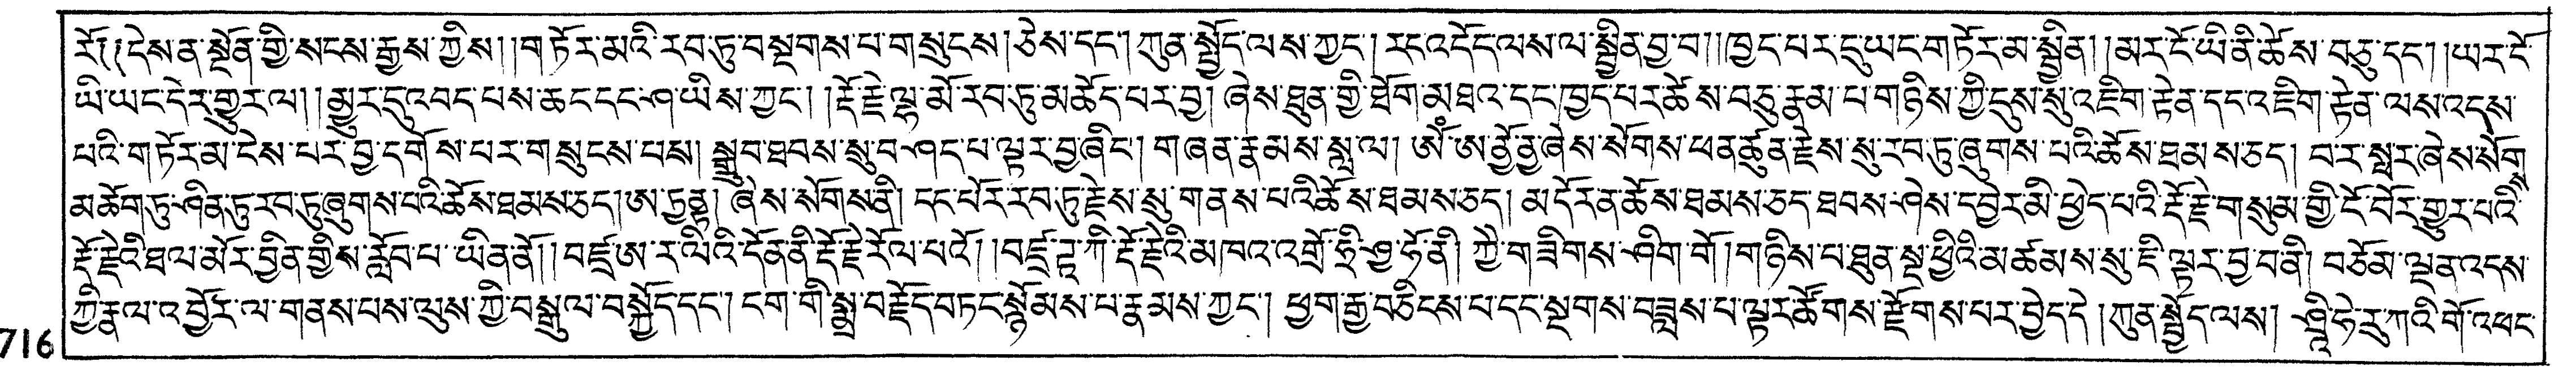རོ༑ ༑དེས་ན་སྔོན་གྱི་སངས་རྒྱས་ཀྱིས། །གཏོར་མའི་རབ་ཏུ་བསྔགས་པ་གསུངས། ཅེས་དང་། ཀུན་སྤྱོད་ལས་ཀྱང་། རང་འདོད་ལས་ལ་སྦྱིན་བྱ་བ། །ཁྱད་པར་དུ་ཡང་གཏོར་མ་སྦྱིན། །མར་ངོ་ཡི་ནི་ཚེས་བཅུ་དང་། །ཡར་ངོ་
ཡི་ཡང་དེར་གྱུར་ལ། །མྱུར་དུ་འབད་པས་ཆང་དང་ཤ་ཡིས་ཀྱང་། །རྡོ་རྗེ་ལྷ་མོ་རབ་ཏུ་མཆོད་པར་བྱ། ཞེས་ཐུན་གྱི་ཐོག་མཐའ་དང་ཁྱད་པར་ཚེས་བཅུ་རྣམ་པ་གཉིས་ཀྱི་དུས་སུ་འཇིག་རྟེན་དང་འཇིག་རྟེན་ལས་འདས་
པའི་གཏོར་མ་ངེས་པར་བྱ་དགོས་པར་གསུངས་པས། སྒྲུབ་ཐབས་སུ་བཤད་པ་ལྟར་བྱ་ཞིང་། གཞན་རྣམས་སླ་ལ། ཨོཾ་ཨ་ནྱོ་ནྱ་ཞེས་སོགས་ཕན་ཚུན་རྗེས་སུ་རབ་ཏུ་ཞུགས་པའི་ཆོས་ཐམས་ཅད། བ་ར་སྥ་ར་ཞེས་སོགས་
མཆོག་ཏུ་ཤིན་ཏུ་རབ་ཏུ་ཞུགས་པའི་ཆོས་ཐམས་ཅད། ཨ་ཏྱནྟ། ཞེས་སོགས་ནི། དང་པོར་རབ་ཏུ་རྗེས་སུ་གནས་པའི་ཆོས་ཐམས་ཅད། མདོར་ན་ཆོས་ཐམས་ཅད་ཐབས་ཤེས་དབྱེར་མི་ཕྱེད་པའི་རྡོ་རྗེ་གསུམ་གྱི་ངོ་བོར་གྱུར་པའི་
རྡོ་རྗེའི་ཐལ་མོར་བྱིན་གྱིས་རློབ་པ་ཡིན་ནོ། །བཛྲ་ཨ་ར་ལིའི་དོན་ནི་རྡོ་རྗེ་རོལ་པའོ། །བཛྲ་ཌཱ་ཀི་རྡོ་རྗེའི་མཁའ་འགྲོ་ཧྲི་ཤྱ་ཧོ་ནི། ཀྱཻ་གཟིགས་ཤིག་གོ །གཉིས་པ་ཐུན་སྔ་ཕྱིའི་མཚམས་སུ་ཇི་ལྟར་བྱ་བ་ནི། བཅོམ་ལྡན་འདས་
ཀྱི་རྣལ་འབྱོར་ལ་གནས་པས་ལུས་ཀྱི་བསྒུལ་བསྐྱོད་དང་། ངག་གི་སྨྲ་བརྗོད་བཏང་སྙོམས་པ་རྣམས་ཀྱང་། ཕྱག་རྒྱ་བཅིངས་པ་དང་སྔགས་བཟླས་པ་ལྟར་ཚོགས་རྫོགས་པར་བྱེད་དེ། ཀུན་སྤྱོད་ལས། ཤྲཱི་ཧེ་རུ་ཀའི་གོ་འཕང་